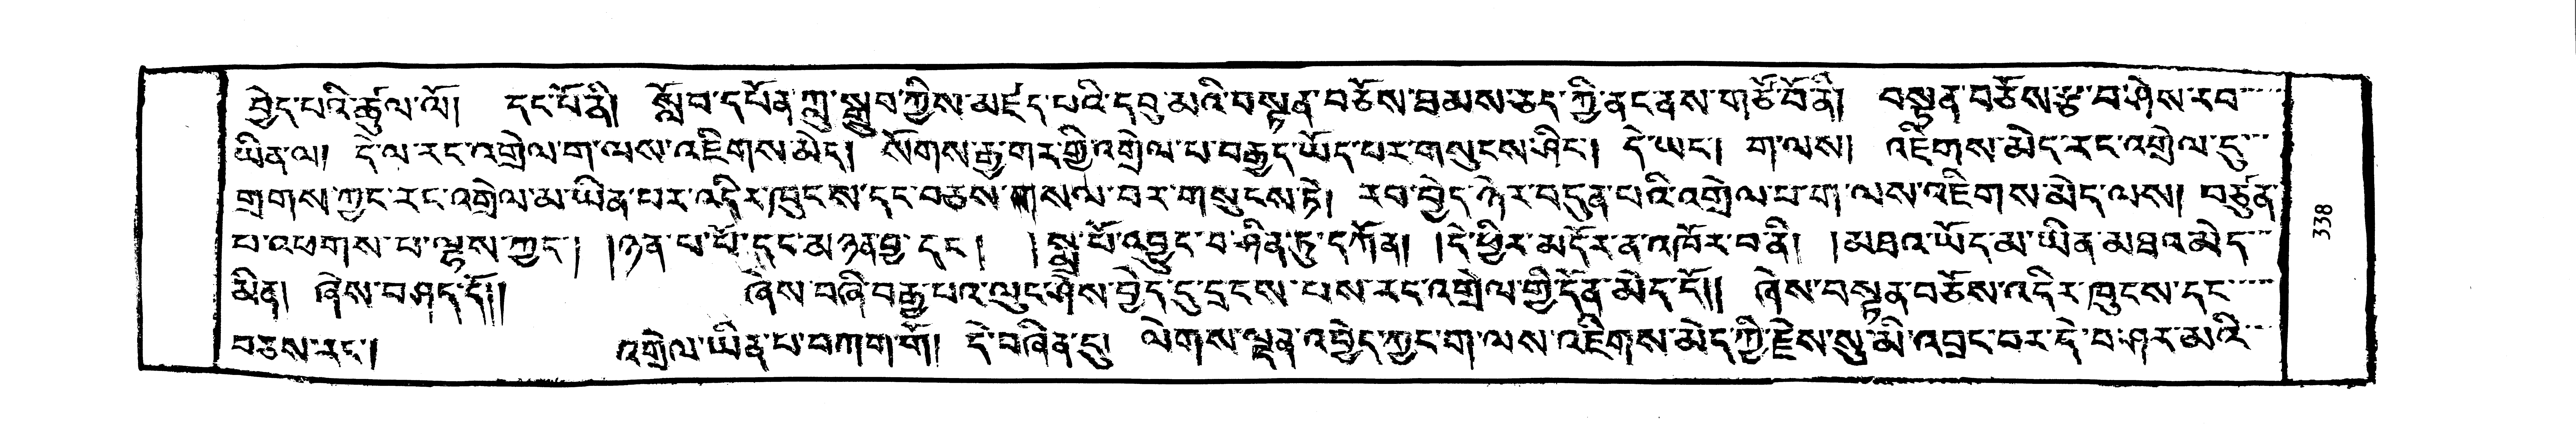བྱེད་པའི་ཚུལ་ལོ། དང་པོ་ནི། སློབ་དཔོན་ཀླུ་སྒྲུབ་ཀྱིས་མཛད་པའི་དབུ་མའི་བསྟན་བཅོས་ཐམས་ཅད་ཀྱི་ནང་ནས་གཙོ་བོ་ནི། བསྟན་བཅོས་རྩ་བ་ཤེས་རབ་
༩ཡིན་ལ། དེ་ལ་རང་འགྲེལ་ག་ལས་འཇིགས་མེད། སོགས་རྒྱ་གར་གྱི་འགྲེལ་པ་བརྒྱད་ཡོད་པར་གསུངས་ཤིང་། དེ་ཡང་། ག་ལས། འཇིགས་མེད་རང་འགྲེལ་དུ་
གྲགས་ཀྱང་རང་འགྲེལ་མ་ཡིན་པར་འདིར་ཁུངས་དང་བཅས་གསལ་བར་གསུངས་ཏེ། རབ་བྱེད་ཉེར་བདུན་པའི་འགྲེལ་པ་ག་ལས་འཇིགས་མེད་ལས། བཙུན་
པ་འཕགས་པ་ལྷས་ཀྱང་། །ཉན་པ་པོ་དང་མཉན་བྱ་དང་། །སྨྲ་པོ་འབྱུང་བ་ཤིན་ཏུ་དཀོན། །དེ་ཕྱིར་མདོར་ན་འཁོར་བ་ནི། །མཐའ་ཡོད་མ་ཡིན་མཐའ་མེད་
མིན། ཞེས་བཤད་དོ། །ཞེས་བཞི་བརྒྱ་པའི་ལུང་ཤེས་བྱེད་དུ་དྲངས་པས་རང་འགྲེལ་གྱི་དོན་མེད་དོ། །ཞེས་བསྟན་བཅོས་འདིར་ཁུངས་དང་
བཅས་རང་། འགྲེལ་ཡིན་པ་བཀག་གོ། དེ་བཞིན་དུ། ལེགས་ལྡན་འབྱེད་ཀྱང་ག་ལས་འཇིགས་མེད་ཀྱི་རྗེས་སུ་མི་འབྲང་བར་དེ་བ་ཤར་མའི་